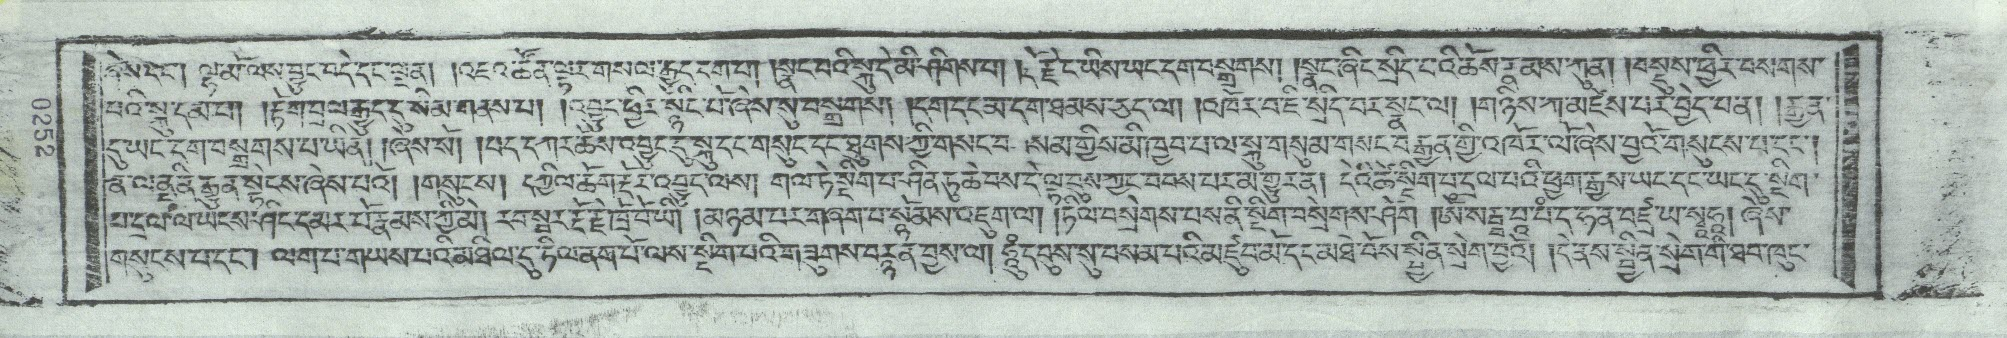ཞེས་དང་། ལྷ་མོ་ལས་བྱུང་བ་དེ་དང་ལྡན། །འཇའ་ཚོན་ལྟར་གསལ་རྒྱུད་དག་པ། །སྣང་བའི་སྐུ་དེ་མི་ཤིགས་པ། །རྡོ་རྗེ་ང་ཡིས་ཡང་དག་བསྒྲགས། །སྣང་ཞིང་སྲིད་པའི་ཆོས་རྣམས་ཀུན། །བསྡུས་ཕྱིར་བསགས་
པའི་སྐུ་དམ་པ། །རྟོག་བྲལ་རྒྱུད་དུ་སིམ་གནས་པ། །འབྱུང་ཕྱིར་སྙིང་པོ་ཞེས་སུ་བསྒྲགས། །དག་དང་མ་དག་ཐམས་ཅད་ལ། །འཁོར་བ་ཇི་སྲིད་བར་སྣང་ལ། །གཉིས་ཀ་མཛེས་པར་བྱེད་པ་ན། །རྒྱན་
དུ་ཡང་དག་བསྒྲགས་པ་ཡིན། །ཞེས་སོ། །པད་དཀར་ཆོས་འབྱུང་དུ་སྐུ་དང་གསུང་དང་ཐུགས་ཀྱི་གསང་བ?་བསམ་གྱིས་མི་ཁྱབ་པ་ལ་སྐུ་གསུམ་གསང་བརྒྱན་གྱི་འཁོར་ལོ་ཞེས་བྱའོ་གསུངས་པ་དང་།
ན་ལནྡྭ་ནི་རྒྱུན་སྟེངས་ཞེས་པའོ། །གསུངས། དཀྱིལ་ཆོག་རྡོར་འབྱུང་ལས། གལ་ཏེ་སྡིག་པ་ཤིན་ཏུ་ཆེ་བས་དེ་ལྟ་བུས་ཀྱང་བབས་པར་མ་གྱུར་ན། དེའི་ཚེ་སྡིག་པ་དྲལ་བའི་ཕྱག་རྒྱས་ཡང་དང་ཡང་དུ་སྡིག་
པ་དྲལ་ལ་ཡངས་ཤིང་དམར་པོ་རྣམས་ཀྱི་མེ། རབ་སྦར་རྡོ་རྗེ་ཁྲོ་བོ་ཡི། །མཉམ་པར་གཞག་པ་སྙོམས་འཇུག་ལ། །ཏིལ་བསྲེགས་པས་ནི་སྡིག་བསྲེགས་ཤོག །ཨོཾ་སརྦྦ་པཱ་བཾ་ད་ཧ་ན་བཛྲ་ཡ་སྭཱཧཱ། ཞེས་
གསུངས་པ་དང་། ལག་པ་གཡས་པའི་མཐིལ་དུ་ཏིལ་ནག་པོ་ལས་སྡིག་པའི་གཟུགས་བརྙན་བྱས་ལ། ཧཱུཾ་དབུས་སུ་བསམ་པའི་མཛུབ་མོ་དང་མཐེ་བོས་སྦྱིན་སྲེག་བྱའོ། །དེ་ནས་སྦྱིན་སྲེག་གི་ཐབ་ཁུང་